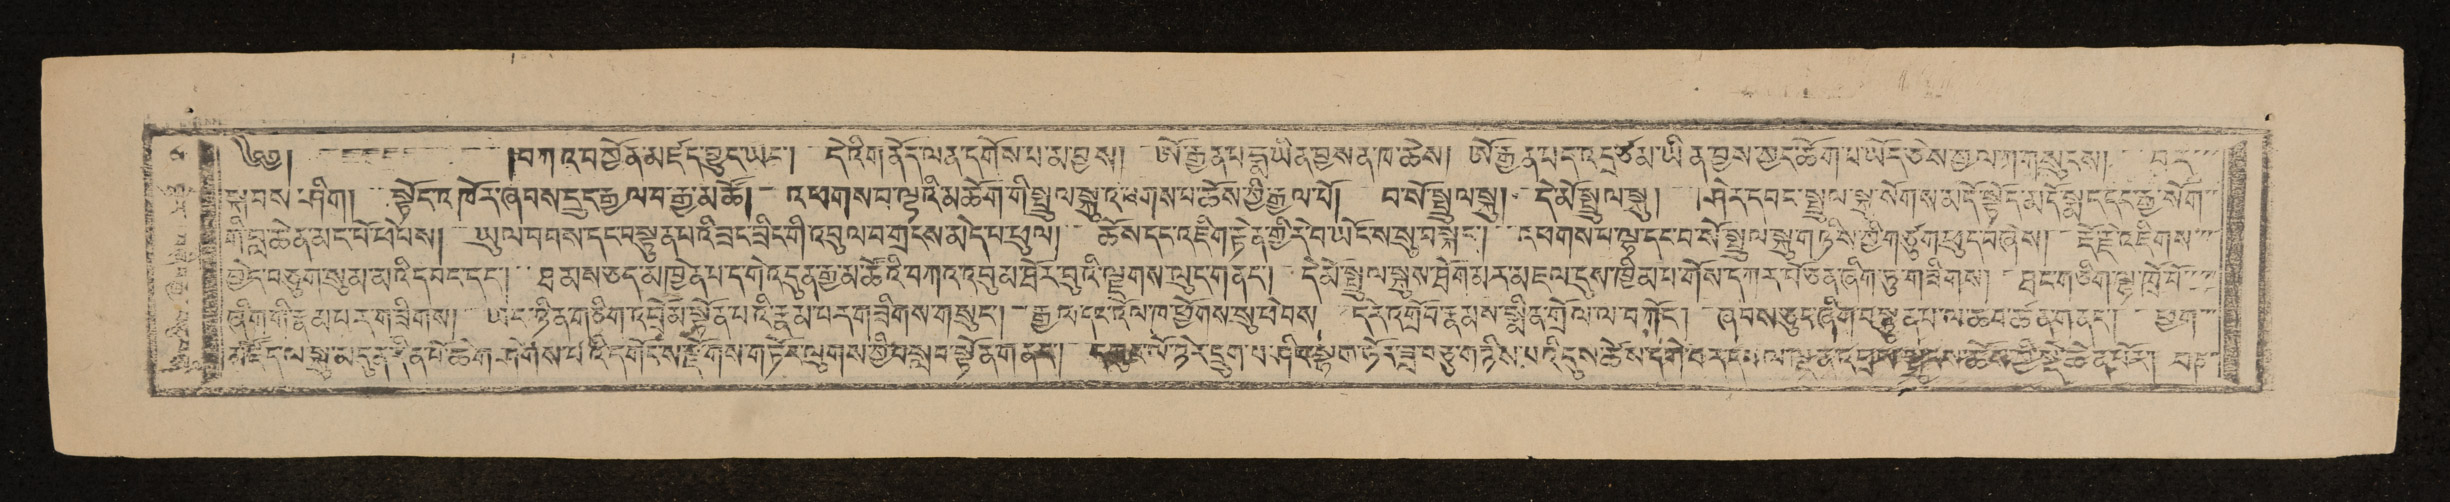༄༅། །བཀའ་བཀྱོན་མཛད་བྱུང་ཡང་། དེའི་གནོད་ལན་དགོས་པ་མ་བྱས། ཨོ་རྒྱན་པདམ་ཡིན་བྱས་ན་ཁ་ཆེས། ཨོ་རྒྱན་པད་འདྲ་ཙམ་ཡིན་བྱས་ཀྱང་ཆོག་པ་ཡོད་ཅེས་ཀྱ་ལ་ཀ་གསུངས། བར་
སྐབས་ཤིག། སྟོང་འཁོར་ཞབས་དྲུང་རྒྱལ་བ་རྒྱ་མཚོ། འཕགས་པ་ལྷའི་མཆོག་གི་སྤྲུལ་སྐུ་འཕགས་པ་ཆོས་ཀྱི་རྒྱལ་པོ། བསོ་སྤྲུལ་སྐུ། དེ་མོ་སྤྲུལ་སྐུ། ཤེར་དབང་སྤྲུལ་སྐུ་སོགས་མདོ་སྟོད་མདོ་སྨད་ངང་རྒྱ་སོག་
གི་བླ་ཆེན་མང་པོ་ཕེབས། ཡུལ་བབས་དང་བསྟུན་པའི་ཟང་ཟིང་གི་འབུལ་བ་གྲངས་མེད་པ་ཕུལ། ཆོས་དང་འཇིག་རྟེན་གྱི་རབ་ཡོངས་སུ་བསྐང་། འཕགས་པ་ལྷ་དང་བ་སོ་སྤྲུལ་སྐུ་གཉིས་ཀྱི་གཙུག་ཕུད་བཞེས། རྡོ་རྗེ་འཇིགས་
བྱེད་བཅུ་གསུམ་མའི་དབང་དང་། ཐམས་ཅད་མཁྱེན་པ་དགེ་འདུན་རྒྱ་མཚོའི་བཀའ་འབུམ་ཐོར་བུའི་ལྗགས་ལུང་གནང་། དེ་མོ་སྤྲུལ་སྐུས་ཐོག་མར་མཇལ་དུས་ཁྱིམ་པ་གོས་དཀར་པོ་ཅན་ཞིག་ཏུ་གཟིགས། ཐང་གཅིག་ལྷ་ཁྲོ་བོ་
ཞིག་གི་རྣམ་པར་གཟིགས། ཡང་ཉིན་གཅིག་འབྲོམ་སྟོན་པའི་རྣམ་པར་གཟིགས་གསུང་། རྒྱལ་དང་འོལ་ཁ་ཕྱོགས་སུ་ཕེབས། དེར་འགྲོ་བ་རྣམས་སྨིན་གྲོལ་ལ་བཀོད། ཞབས་ཅུང་ཞིག་བསྟུན་བ་ལ་ཚབ་ཚན་གནང་། ཕྱག་
མཛོད་ལ་སྐུ་མདུན་རིན་པོ་ཆེ་གཤེགས་པའི་དགོངས་རྫོགས་གཏོང་ལུགས་ཀྱི་བསླབ་སྟོན་གནང་། དགུང་ལོ་ཉེར་དྲུག་པ་ཤིང་སྟག་ཧོར་ཟླ་བཅུ་གཉིས་པའི་དུས་ཚེས་དགེ་བར་དཔལ་ལྡན་འབྲས་སྤུངས་ཆོས་ཀྱི་སྡེ་ཆེན་པོར། པཎ་